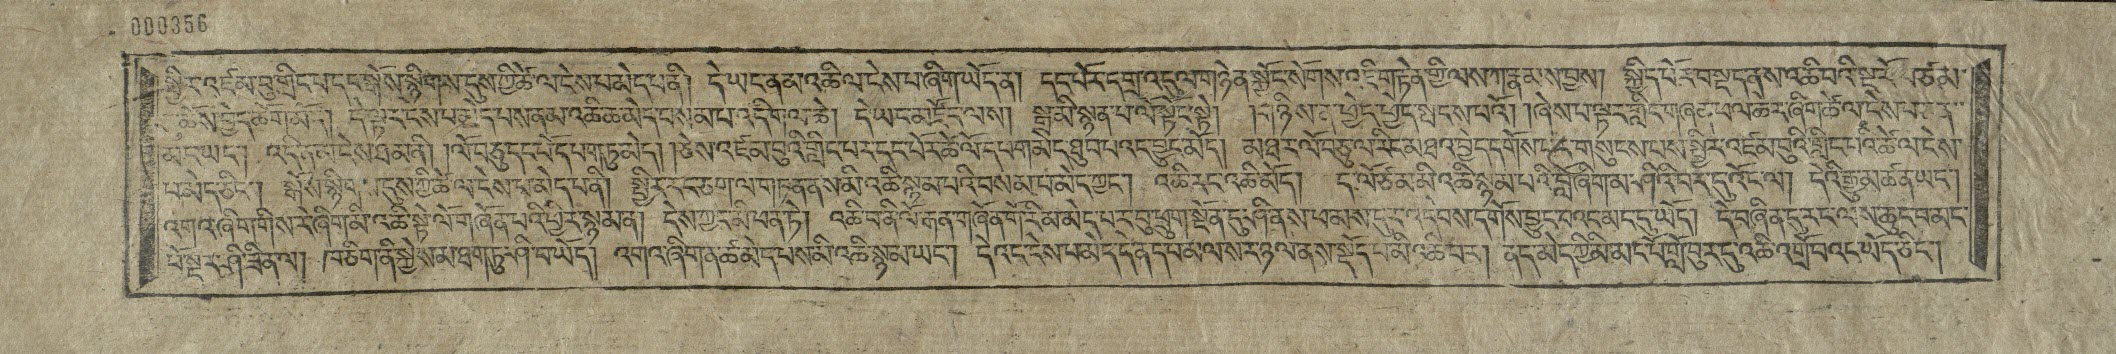སྤྱིར་འཛམ་བུ་གླིང་པ་དང་སྒོས་སྙིགས་དུས་ཀྱི་ཚེ་ལ་ངེས་པ་མེད་པ་ནི། དེ་ཡང་ནམ་འཆི་ལ་ངེས་པ་ཞིག་ཡོད་ན། དང་པོར་དགྲ་འདུལ་གཉེན་སྐྱོང་སོགས་འཇིག་རྟེན་གྱི་ལས་ཀ་རྣམས་བྱས། སྐྱིད་པོར་བསྡད་ནས་འཆི་བའི་སྔ་རོལ་ཙམ་
དུ་ཆོས་བྱེད་ཆོག་མོད། དེ་ལྟར་ངེས་པ་མེད་པས་ནམ་འཆི་ཆ་མེད་བསམ་པ་འདི་གལ་ཆེ། དེ་ཡང་མཛོད་ལས། སྒྲ་མི་སྙན་པ་ལོ་སྟོང་སྟེ། །གཉིས་ན་ཕྱེད་ཕྱེད་སྤངས་པའོ། །ཞེས་པ་ལྟར་གླིང་གཞན་ཕལ་ཆེར་ཞིག་ཚེ་ལ་ངེས་པ་ཅན་
མང་ཡང་། འདི་ན་མ་ངེས་ཐ་མ་ནི། །ལོ་བཅུ་དང་པོ་དཔག་ཏུ་མེད། །ཅེས་འཛམ་བུའི་གླིང་པར་དང་པོར་ཚེ་ལོ་དཔག་མེད་ཐུབ་པའང་བྱུང་མོད། མཐར་ལོ་བཅུ་ལ་རིང་མཐའ་བྱེད་དགོས་པར་གསུངས་པས་སྤྱིར་འཛམ་བུའི་གླིང་པའི་ཚེ་ལ་ངེས་
པ་མེད་ཅིང་། སྒོས་སྙིགས་དུས་ཀྱི་ཚེ་ལ་ངེས་པ་མེད་པ་ནི། སྤྱིར་རང་ཅག་ལ་གཏན་ནས་མི་འཆི་སྙམ་པའི་བསམ་པ་མེད་ཀྱང་། འཆི་རང་འཆི་མོད། ད་ལོ་ཙམ་མི་འཆི་སྙམ་པའི་བློ་ཞིག་མ་ཤིའི་བར་དུ་འོང་ལ། དེའི་རྒྱུ་མཚན་ཡང་།
འགའ་ཞིག་གིས་རེ་ཞིག་མི་འཆི་སྟེ་ལོ་གཞོན་པའི་ཕྱིར་སྙམ་ན། དེས་ཀྱང་མི་ཕན་ཏེ། འཆི་བ་ནི་ལོ་རྒན་གཞོན་གོ་རིམ་མེད་པར་བུ་ཕྲུག་སྔོན་དུ་ཤི་ནས་ཕ་མས་དུར་འདེབས་དགོས་བྱུང་བའང་མང་དུ་ཡོད། དེ་བཞིན་དུ་རང་ལས་ཆུང་བ་མང་
པོ་སྔར་ཤི་ཟིན་ལ། ཁ་ཅིག་ནི་སྐྱེས་མ་ཐག་ཏུ་ཤི་བ་ཡོད། འགའ་ཞིག་ན་ཚ་མེད་པས་མི་འཆི་སྙམ་ཡང་། དེའང་ངེས་པ་མེད་དེ་ནད་པ་མལ་སར་ཉལ་ནས་སྡོད་པ་མི་འཆི་བར། ནད་མེད་ཀྱི་མི་མང་པོ་གློ་བུར་དུ་འཆི་འགྲོ་བའང་ཡོད་ཅིང་།